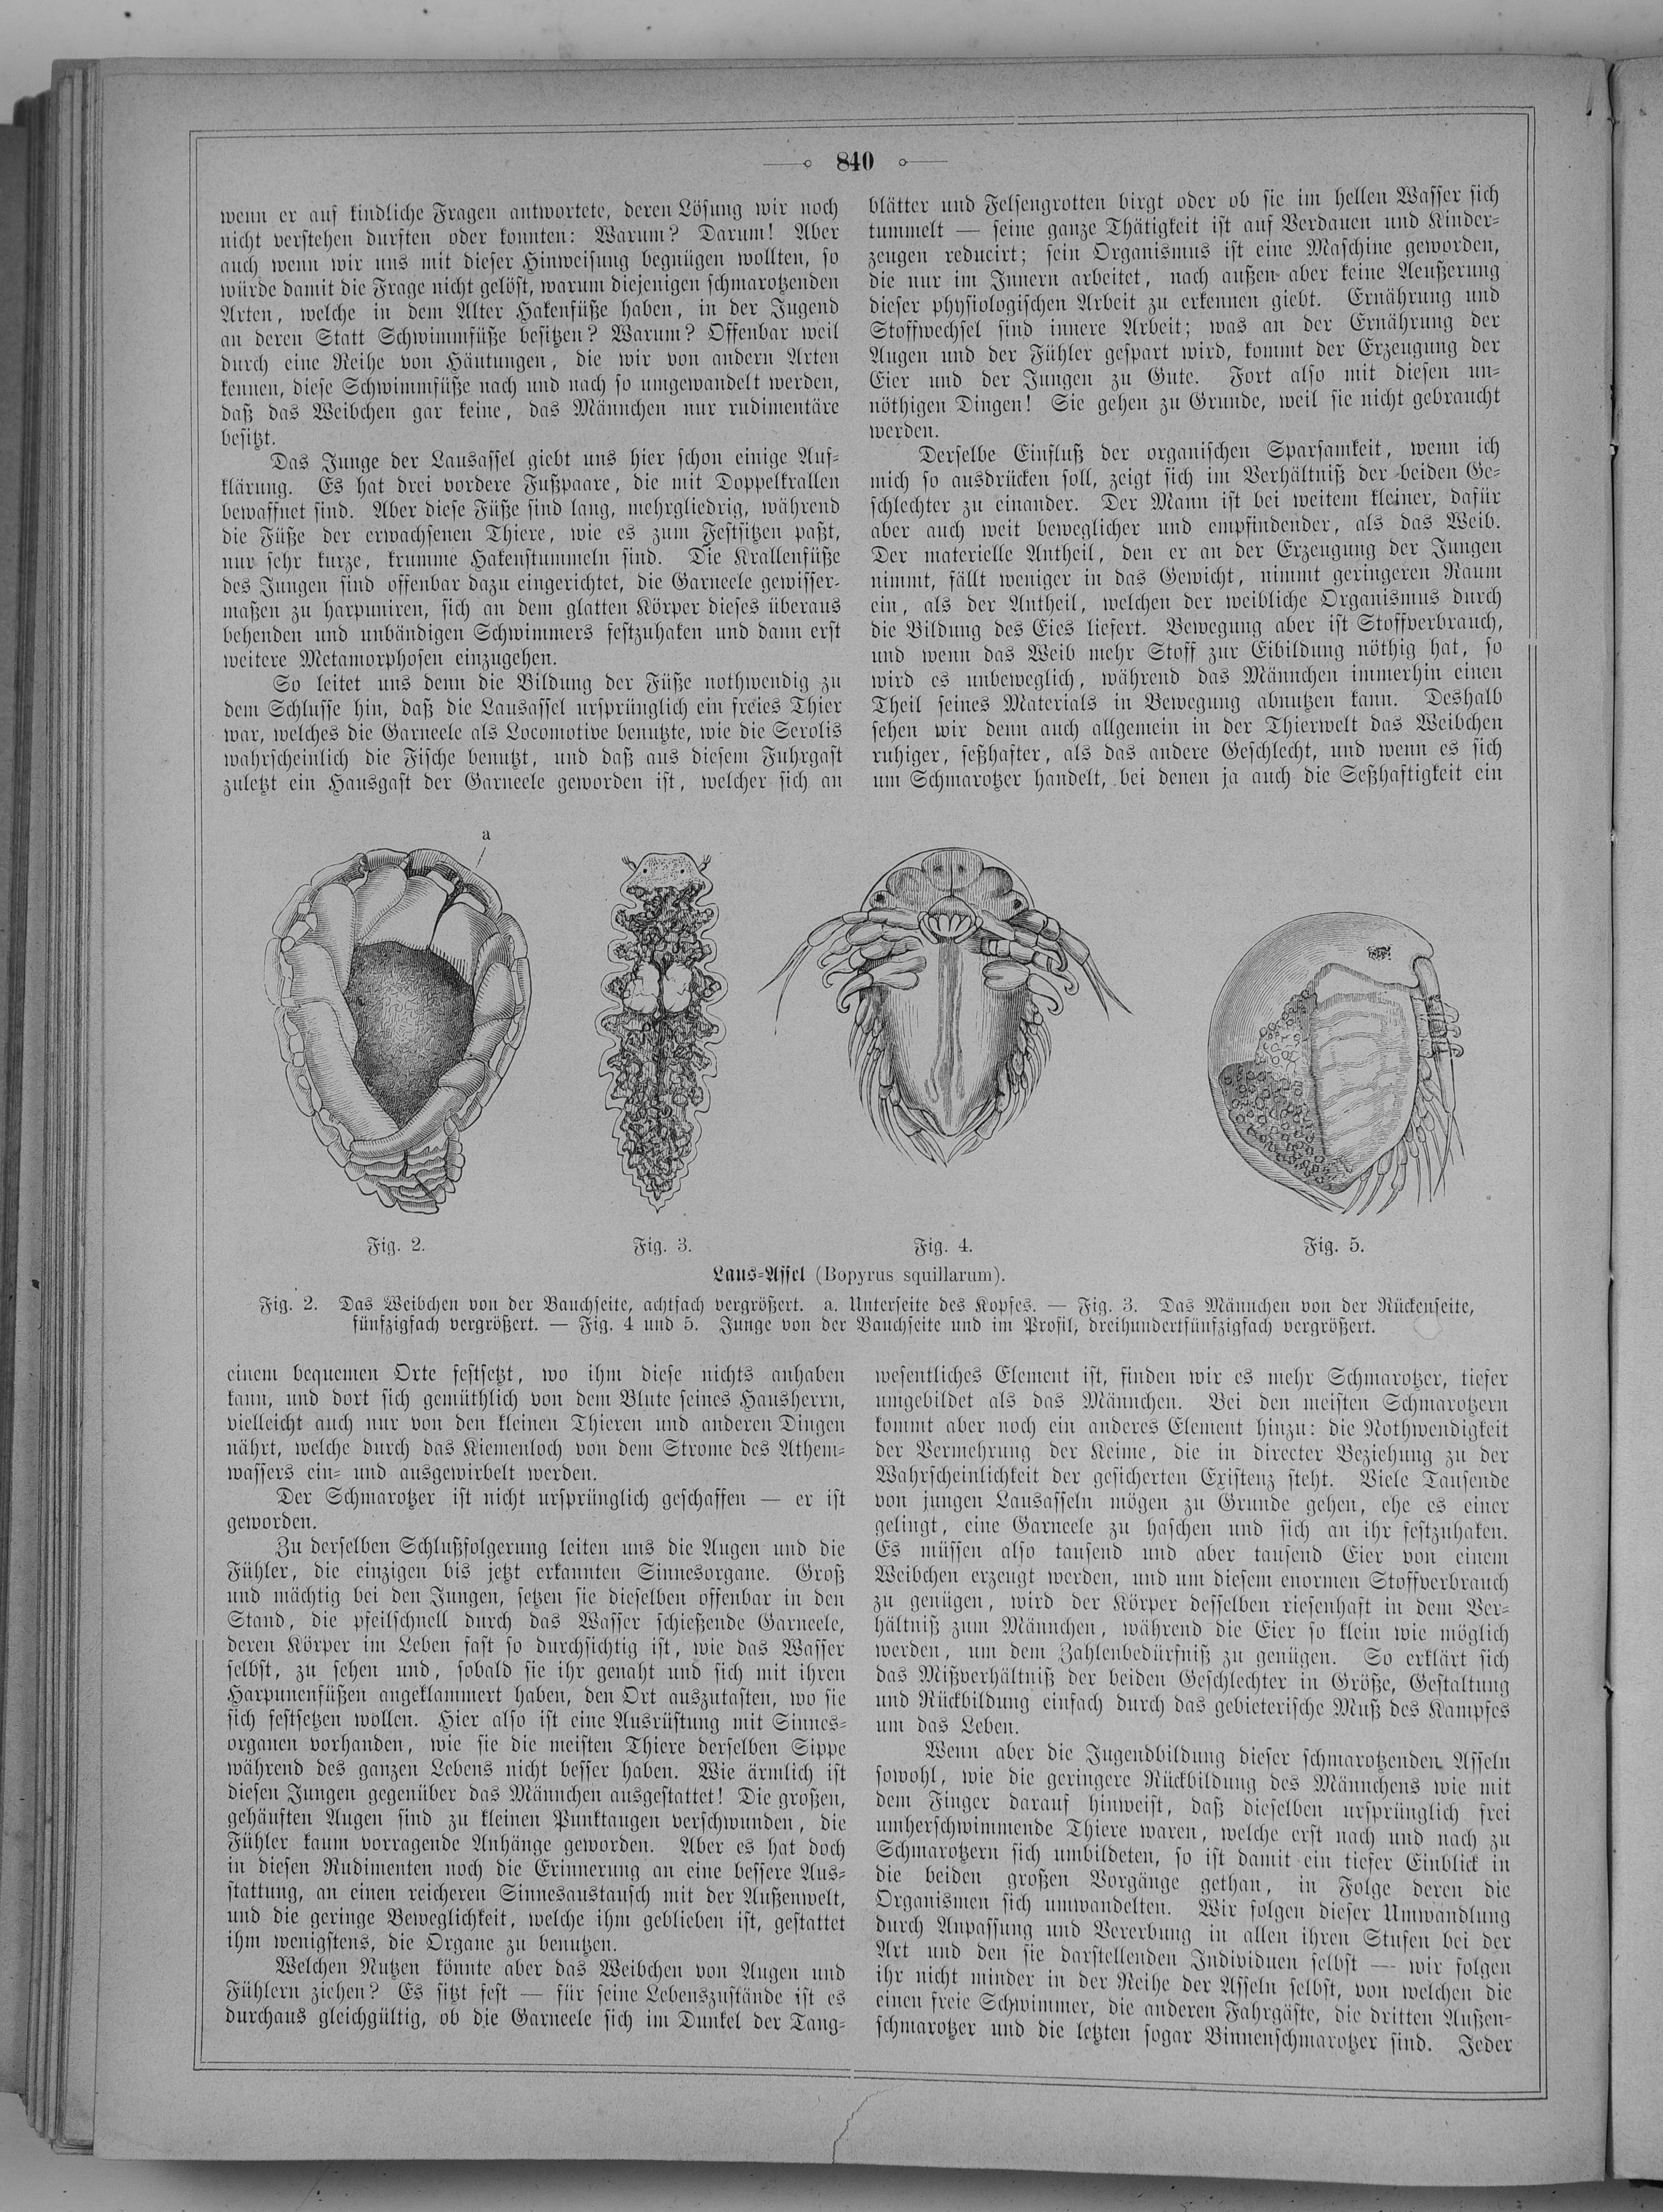wenn er auf kindliche Fragen antwortete, deren Lösung wir noch nicht verstehen durften oder konnten: Warum? Darum! Aber auch wenn wir uns mit dieser Hinweisung begnügen wollten, so würde damit die Frage nicht gelöst, warum diejenigen schmarotzenden Arten, welche in dem Alter Hakenfüße haben, in der Jugend an deren Statt Schwimmfüße besitzen? Warum? Offenbar weil durch eine Reihe von Häutungen, die wir von andern Arten kennen, diese Schwimmfüße nach und nach so umgewandelt werden, daß das Weibchen gar keine, das Männchen nur rudimentäre besitzt.

Das Junge der Lausassel giebt uns hier schon einige Aufklärung. Es hat drei vordere Fußpaare, die mit Doppelkrallen bewaffnet sind. Aber diese Füße sind lang, mehrgliedrig, während die Füße der erwachsenen Thiere, wie es zum Festsitzen paßt, nur sehr kurze, krumme Hakenstummeln sind. Die Krallenfüße des Jungen sind offenbar dazu eingerichtet, die Garneele gewissermaßen zu harpuniren, sich an dem glatten Körper dieses überaus behenden und unbändigen Schwimmers festzuhaken und dann erst weitere Metamorphosen einzugehen.

So leitet uns denn die Bildung der Füße nothwendig zu dem Schlusse hin, daß die Lausassel ursprünglich ein freies Thier war, welches die Garneele als Locomotive benutzte, wie die Serolis wahrscheinlich die Fische benutzt, und daß aus diesem Fuhrgast zuletzt ein Hausgast der Garneele geworden ist, welcher sich an einem bequemen Orte festsetzt, wo ihm diese nichts anhaben kann, und dort sich gemüthlich von dem Blute seines Hausherrn, vielleicht auch nur von den kleinen Thieren und anderen Dingen nährt, welche durch das Kiemenloch von dem Strome des Athemwassers ein- und ausgewirbelt werden.

Fig. 2. Fig. 3. Fig. 4. Fig. 5.
Laus-Assel (Bopyrus squillarum).
Fig. 2. Das Weibchen von der Bauchseite, achtfach vergrößert. a Unterseite des Kopfes. – Fig. 3. Das Männchen von der Rückseite, fünfzigfach vergrößert. – Fig 4 und 5. Junge von der Bauchseite und im Profil, dreihundertfünfzigfach vergrößert.

Der Schmarotzer ist nicht ursprünglich geschaffen – er ist geworden.

Zu derselben Schlußfolgerung leiten uns die Augen und die Fühler, die einzigen bis jetzt erkannten Sinnesorgane. Groß und mächtig bei den Jungen, setzen sie dieselben offenbar in den Stand, die pfeilschnell durch das Wasser schießende Garneele, deren Körper im Leben fast so durchsichtig ist, wie das Wasser selbst, zu sehen und, sobald sie ihr genaht und sich mit ihren Harpunenfüßen angeklammert haben, den Ort auszutasten, wo sie sich festsetzen wollen. Hier also ist eine Ausrüstung mit Sinnesorganen vorhanden, wie sie die meisten Thiere derselben Sippe während des ganzen Lebens nicht besser haben. Wie ärmlich ist diesen Jungen gegenüber das Männchen ausgestattet! Die großen, gehäuften Augen sind zu kleinen Punktaugen verschwunden, die Fühler kaum vorragende Anhänge geworden. Aber es hat doch in diesen Rudimenten noch die Erinnerung an eine bessere Ausstattung, an einen reicheren Sinnesaustausch mit der Außenwelt, und die geringe Beweglichkeit, welche ihm geblieben ist, gestattet ihm wenigstens, die Organe zu benutzen.

Welchen Nutzen könnte aber das Weibchen von Augen und Fühlern ziehen? Es sitzt fest – für seine Lebenszustände ist es durchaus gleichgültig, ob die Garneele sich im Dunkel der Tangblätter und Felsengrotten birgt oder ob sie im hellen Wasser sich tummelt – seine ganze Thätigkeit ist auf Verdauen und Kinderzeugen reducirt; sein Organismus ist eine Maschine geworden, die nur im Innern arbeitet, nach außen aber keine Aeußerung dieser physiologischen Arbeit zu erkennen giebt. Ernährung und Stoffwechsel sind innere Arbeit; was an der Ernährung der Augen und der Fühler gespart wird, kommt der Erzeugung der Eier und der Jungen zu Gute. Fort also mit diesen unnöthigen Dingen! Sie gehen zu Grunde, weil sie nicht gebraucht werden.

Derselbe Einfluß der organischen Sparsamkeit, wenn ich mich so ausdrücken soll, zeigt sich im Verhältniß der beiden Geschlechter zu einander. Der Mann ist bei weitem kleiner, dafür aber auch weit beweglicher und empfindender, als das Weib. Der materielle Antheil, den er an der Erzeugung der Jungen nimmt, fällt weniger in das Gewicht, nimmt geringeren Raum ein, als der Antheil, welchen der weibliche Organismus durch die Bildung des Eies liefert. Bewegung aber ist Stoffverbrauch, und wenn das Weib mehr Stoff zur Eibildung nöthig hat, so wird es unbeweglich, während das Männchen immerhin einen Theil seines Materials in Bewegung abnutzen kann. Deshalb sehen wir denn auch allgemein in der Thierwelt das Weibchen ruhiger, seßhafter, als das andere Geschlecht, und wenn es sich um Schmarotzer handelt, bei denen ja auch die Seßhaftigkeit ein wesentliches Element ist, finden wir es mehr Schmarotzer, tiefer umgebildet als das Männchen. Bei den meisten Schmarotzern kommt aber noch ein anderes Element hinzu: die Nothwendigkeit der Vermehrung der Keime, die in directer Beziehung zu der Wahrscheinlichkeit der gesicherten Existenz steht. Viele Tausende von jungen Lausasseln mögen zu Grunde gehen, ehe es einer gelingt, eine Garneele zu haschen und sich an ihr festzuhaken. Es müssen also tausend und aber tausend Eier von einem Weibchen erzeugt werden, und um diesem enormen Stoffverbrauch zu genügen, wird der Körper desselben riesenhaft in dem Verhältniß zum Männchen, während die Eier so klein wie möglich werden, um dem Zahlenbedürfniß zu genügen. So erklärt sich das Mißverhältnis der beiden Geschlechter in Größe, Gestaltung und Rückbildung einfach durch das gebieterische Muß des Kampfes um das Leben.

Wenn aber die Jugendbildung dieser schmarotzenden Asseln sowohl, wie die geringere Rückbildung des Männchens wie mit dem Finger darauf hinweist, daß dieselben ursprünglich frei umherschwimmende Thiere waren, welche erst nach und nach zu Schmarotzern sich umbildeten, so ist damit ein tiefer Einblick in die beiden großen Vorgänge gethan, in Folge deren die Organismen sich umwandelten. Wir folgen dieser Umwandlung durch Anpassung und Vererbung in allen ihren Stufen bei der Art und den sie darstellenden Individuen selbst – wir folgen ihr nicht minder in der Reihe der Asseln selbst, von welchen die einen freie Schwimmer, die anderen Fahrgäste, die dritten Außenschmarotzer und die letzten sogar Binnenschmarotzer sind. Jeder
